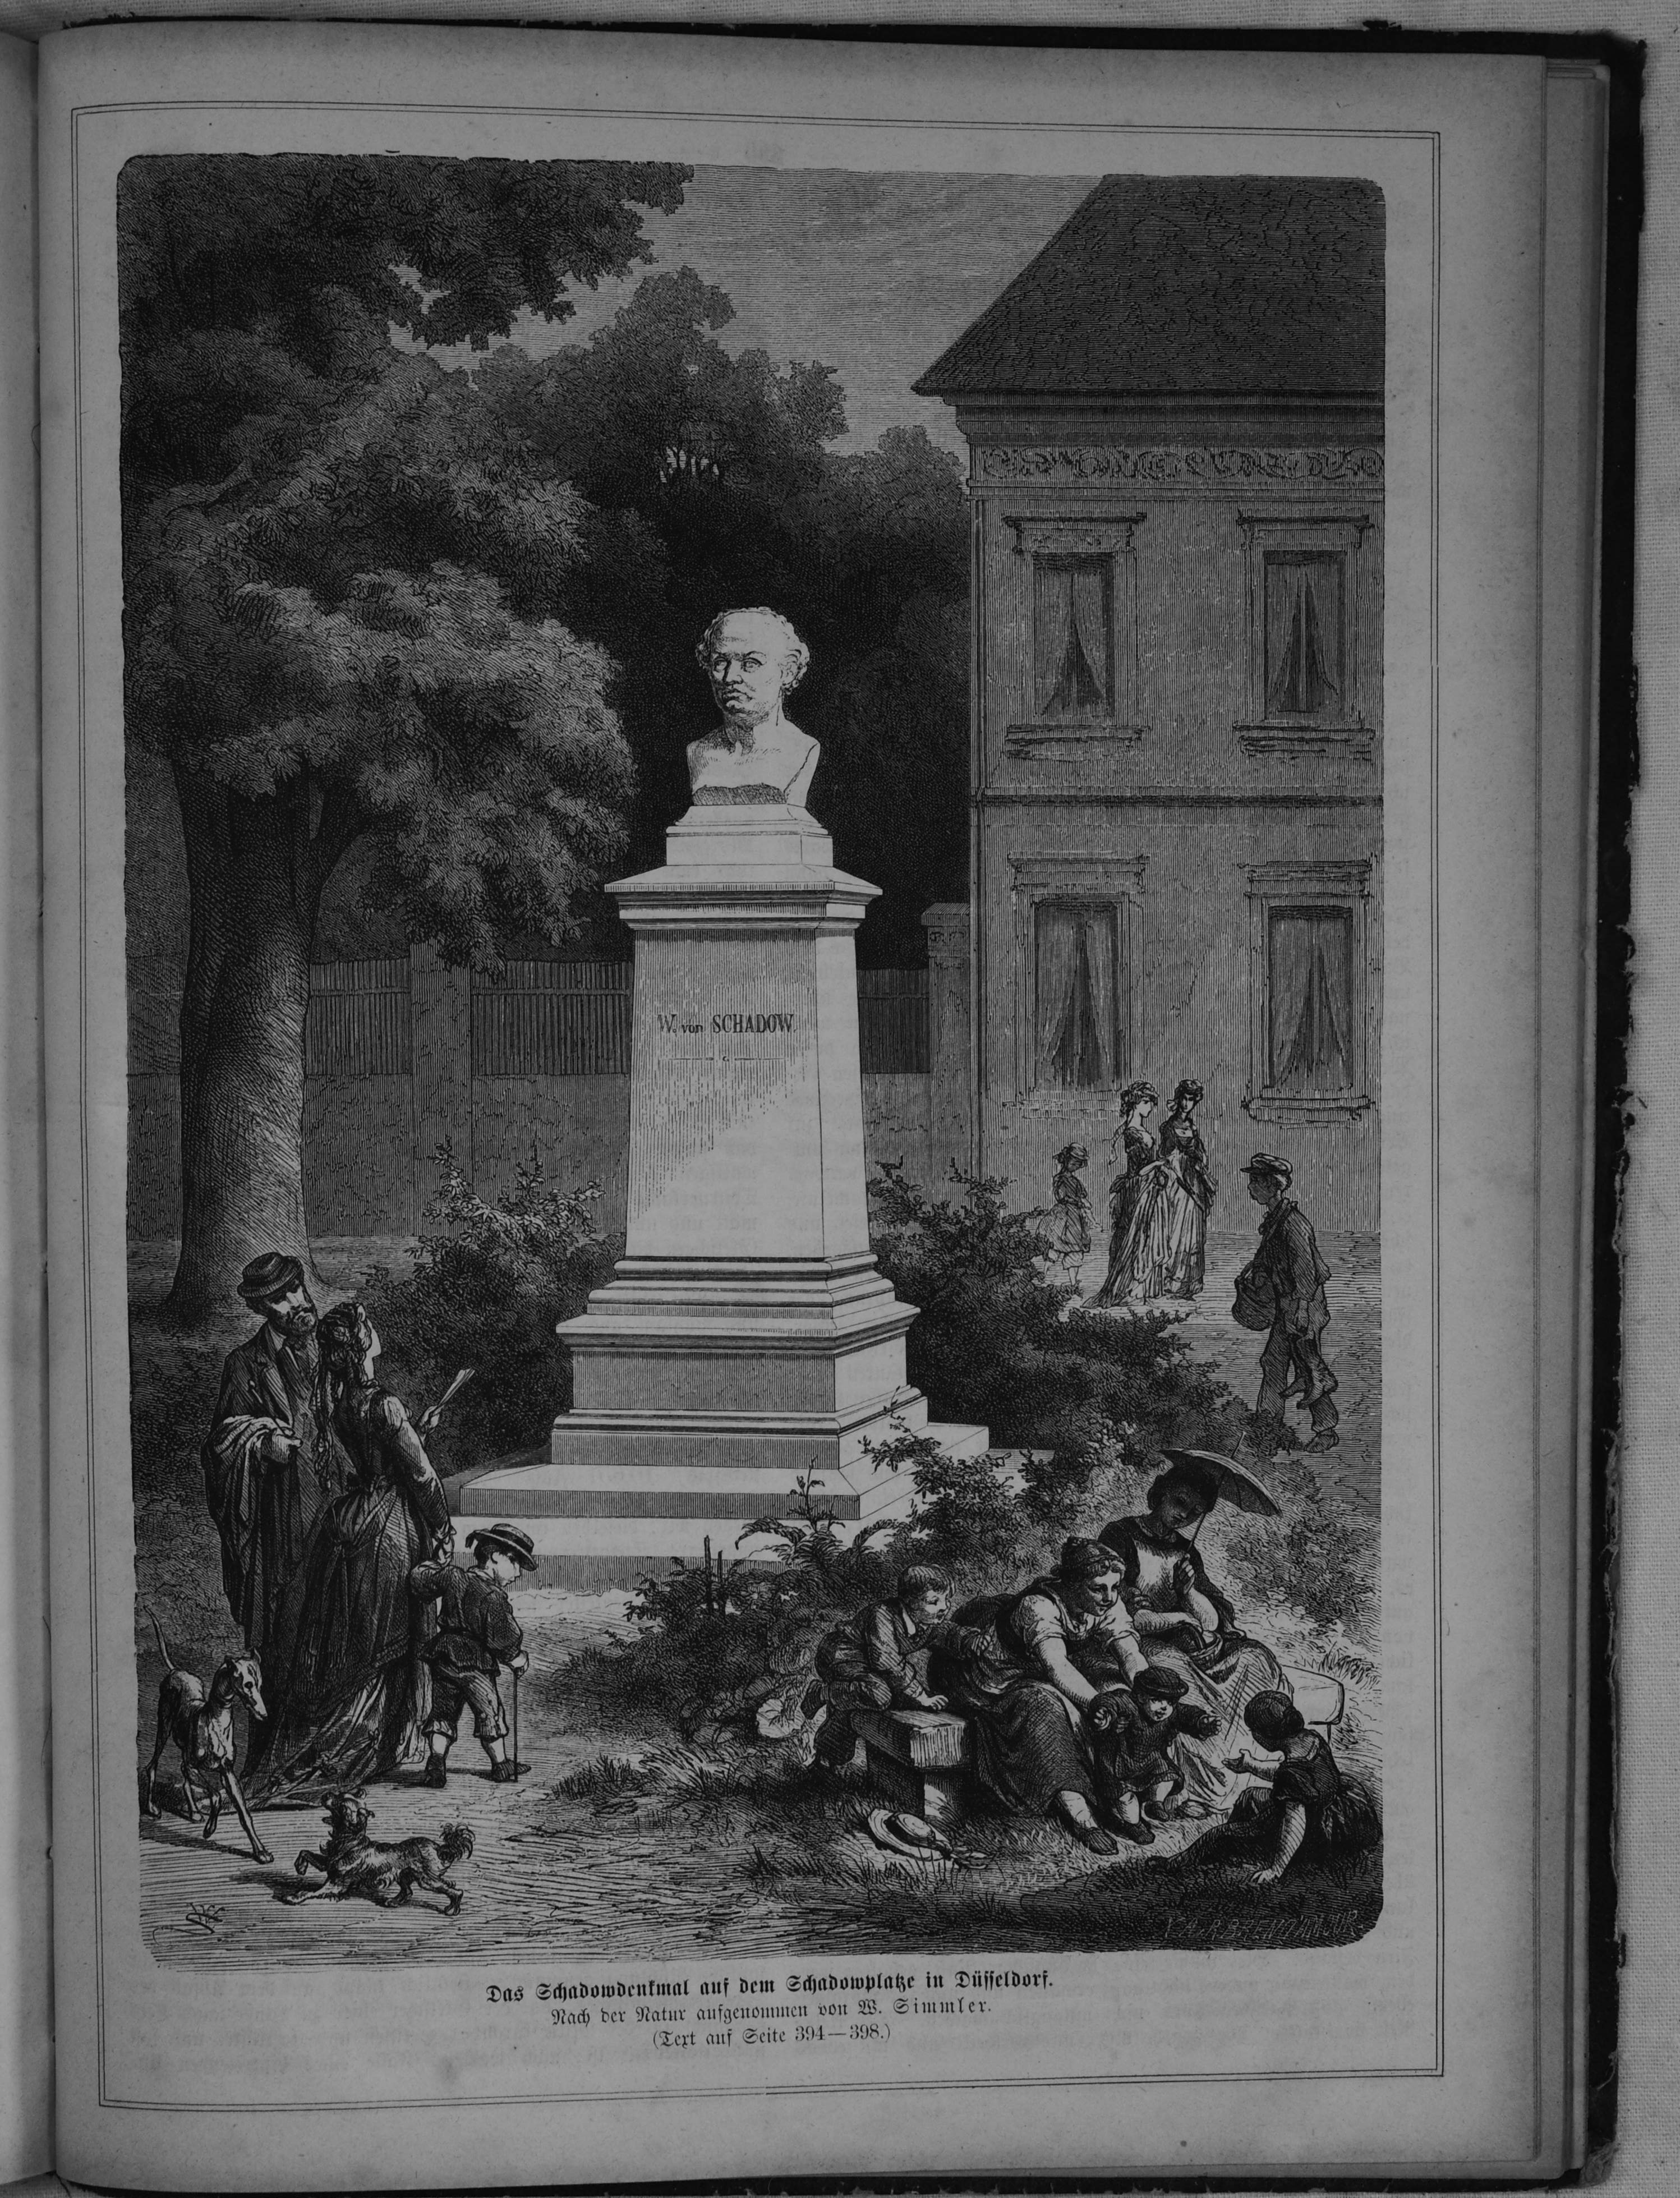Das Schadowdenkmal auf dem Schadowplatze in Düsseldorf.
Nach der Natur aufgenommen von W. Simmler.
(Text auf Seite 394–398.)
